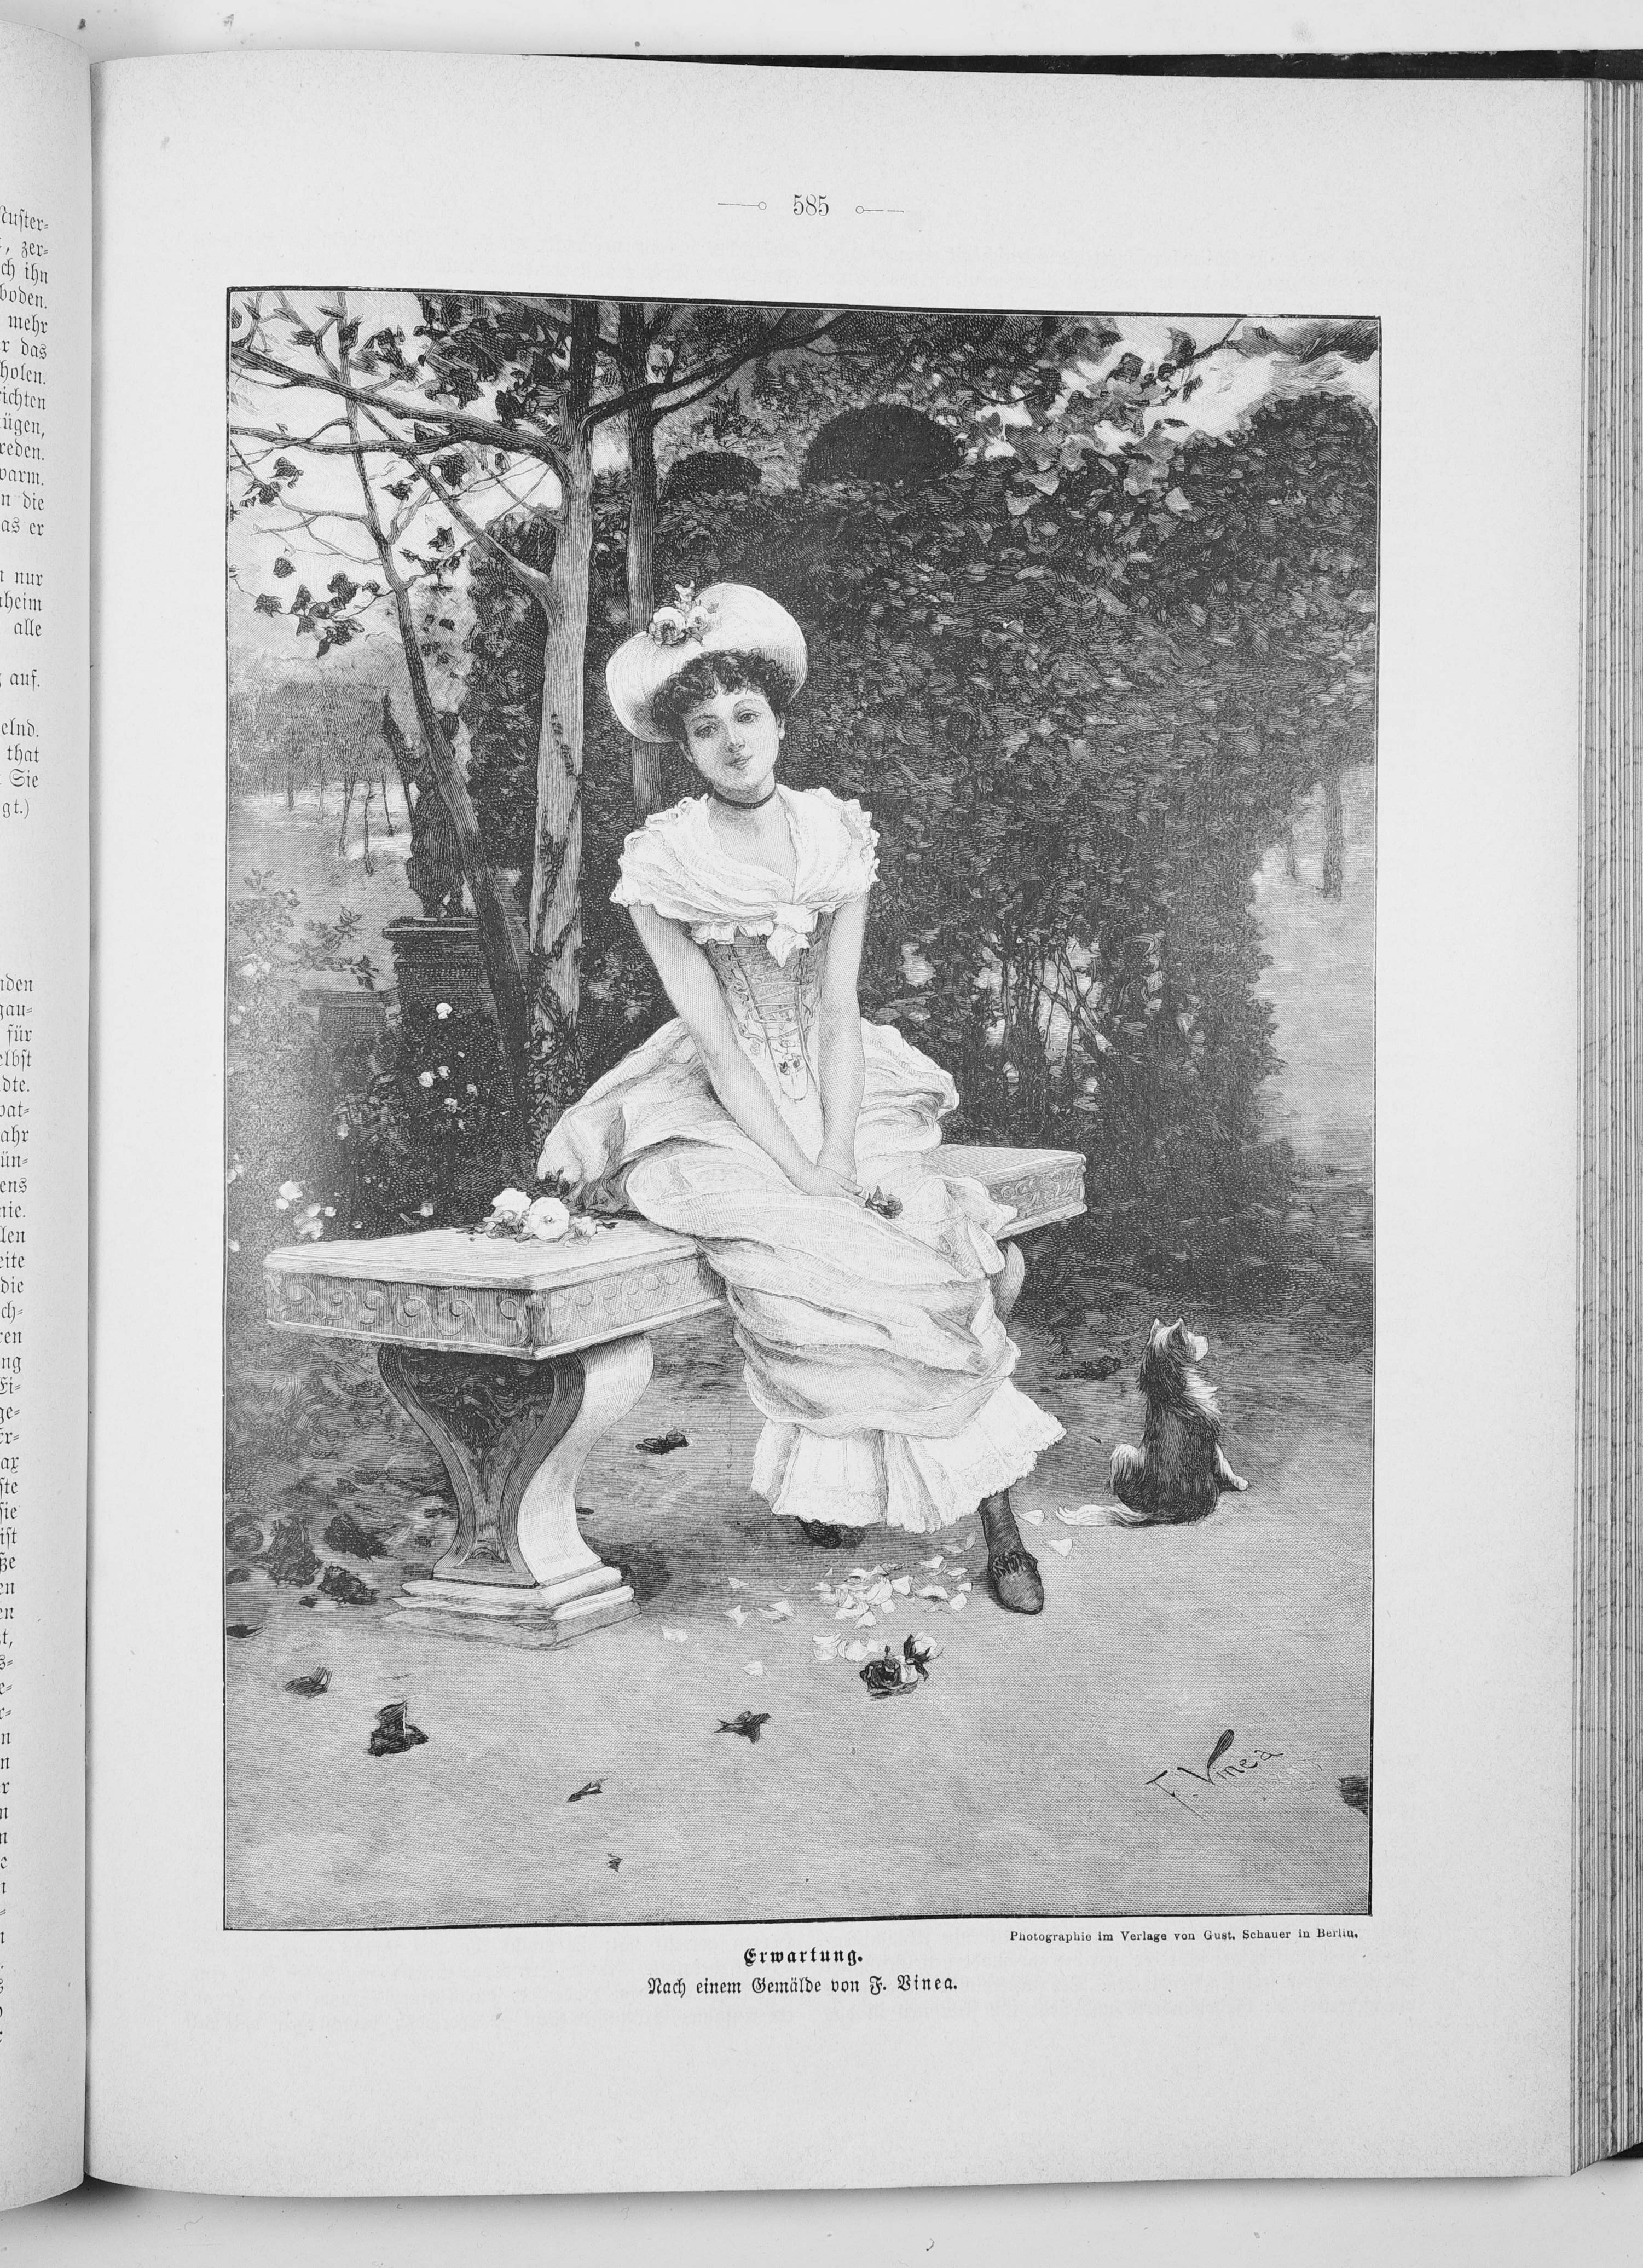Erwartung.
Nach einem Gemälde von F. Vinea.
